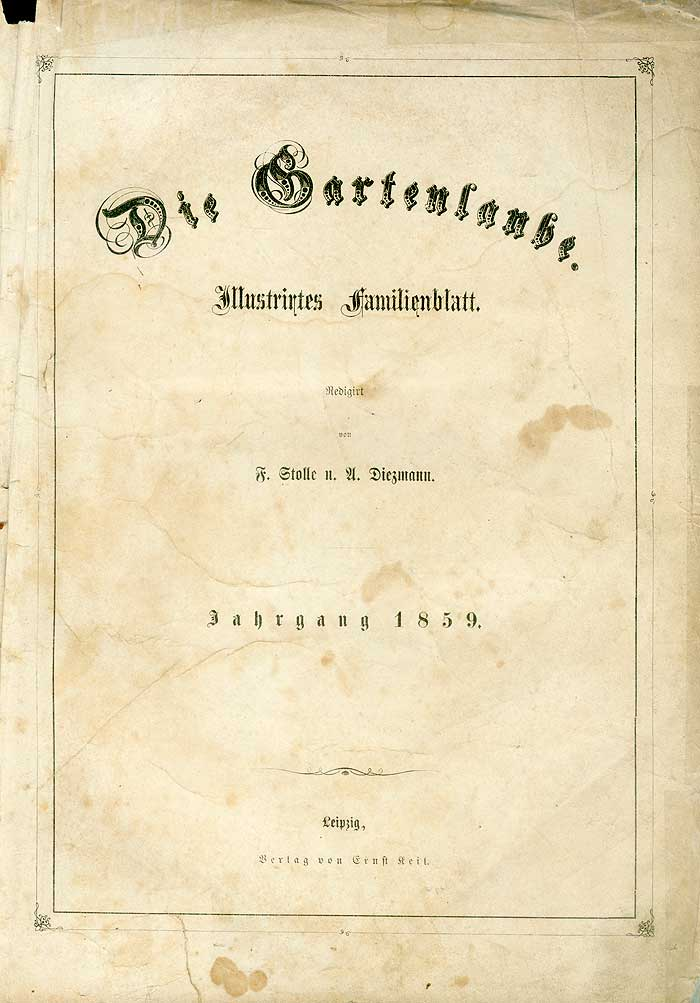Die Gartenlaube.

Illustrirtes Familienblatt.

Redigirt

von

F. Stolle u. A. Diezmann.

Jahrgang 1859.

Leipzig,

Verlag von Ernst Keil.
